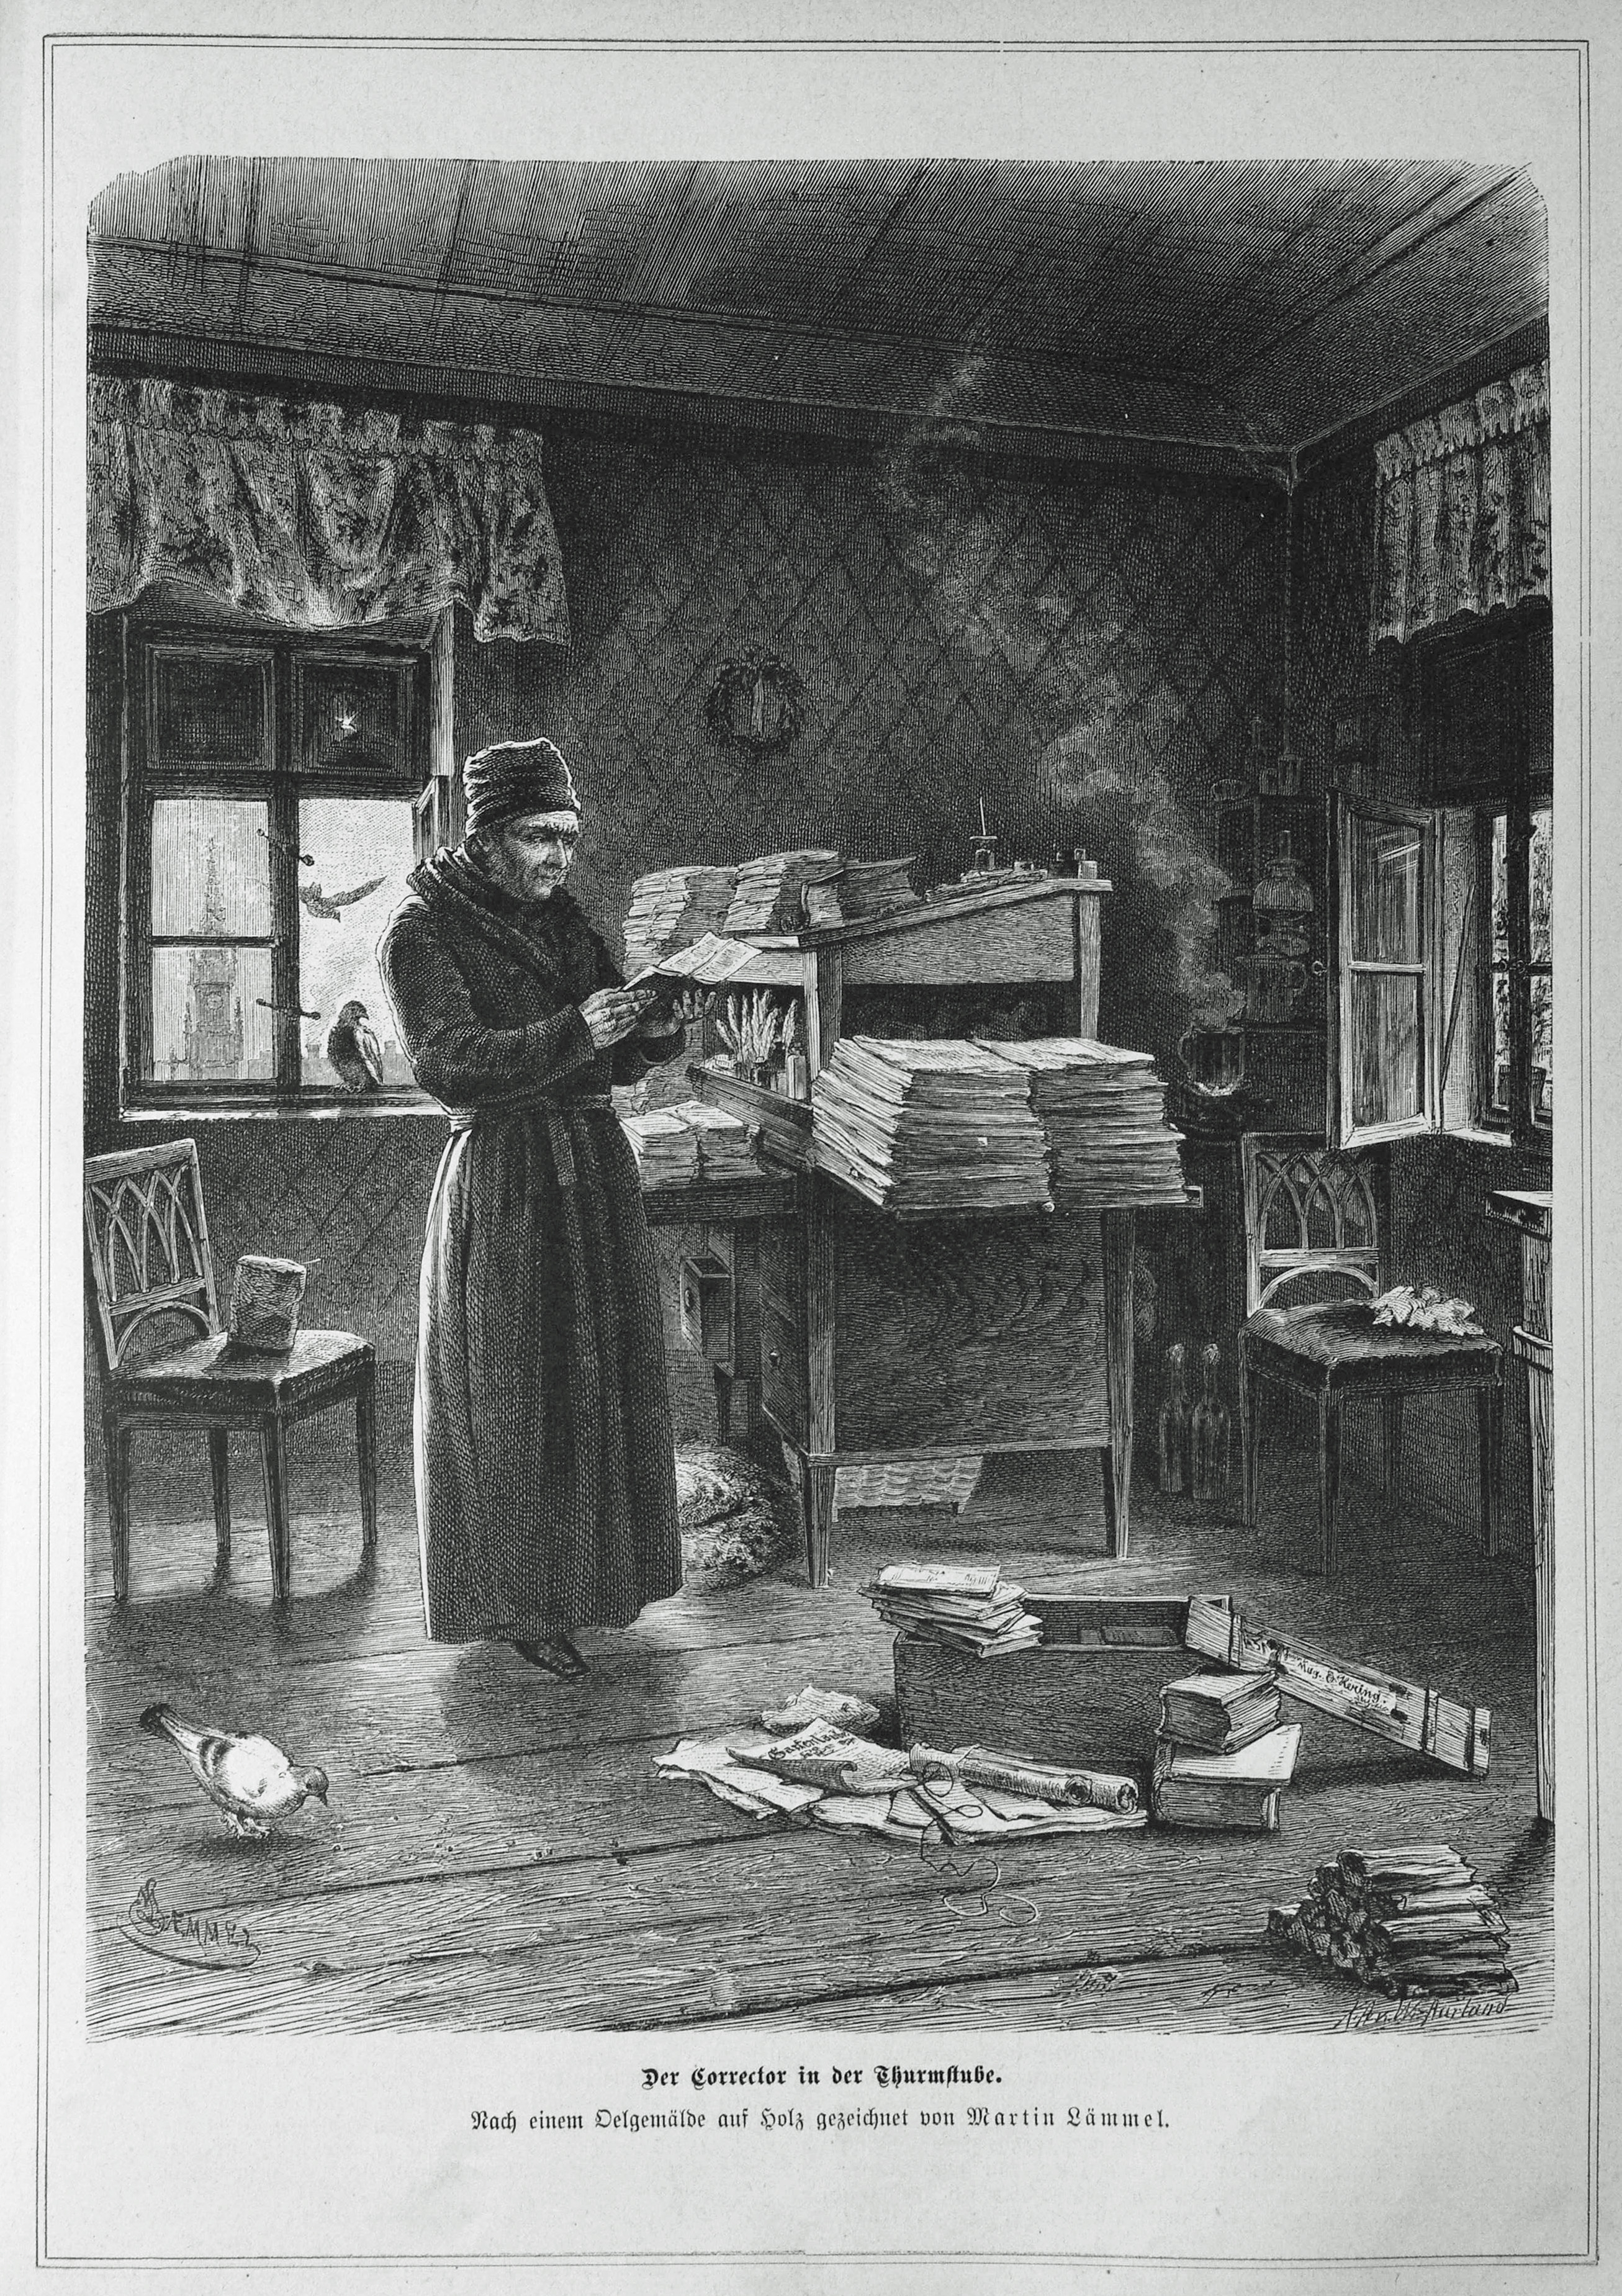Der Corrector in der Thurmstube.
Nach einem Oelgemälde auf Holz gezeichnet von Martin Lämmel.
